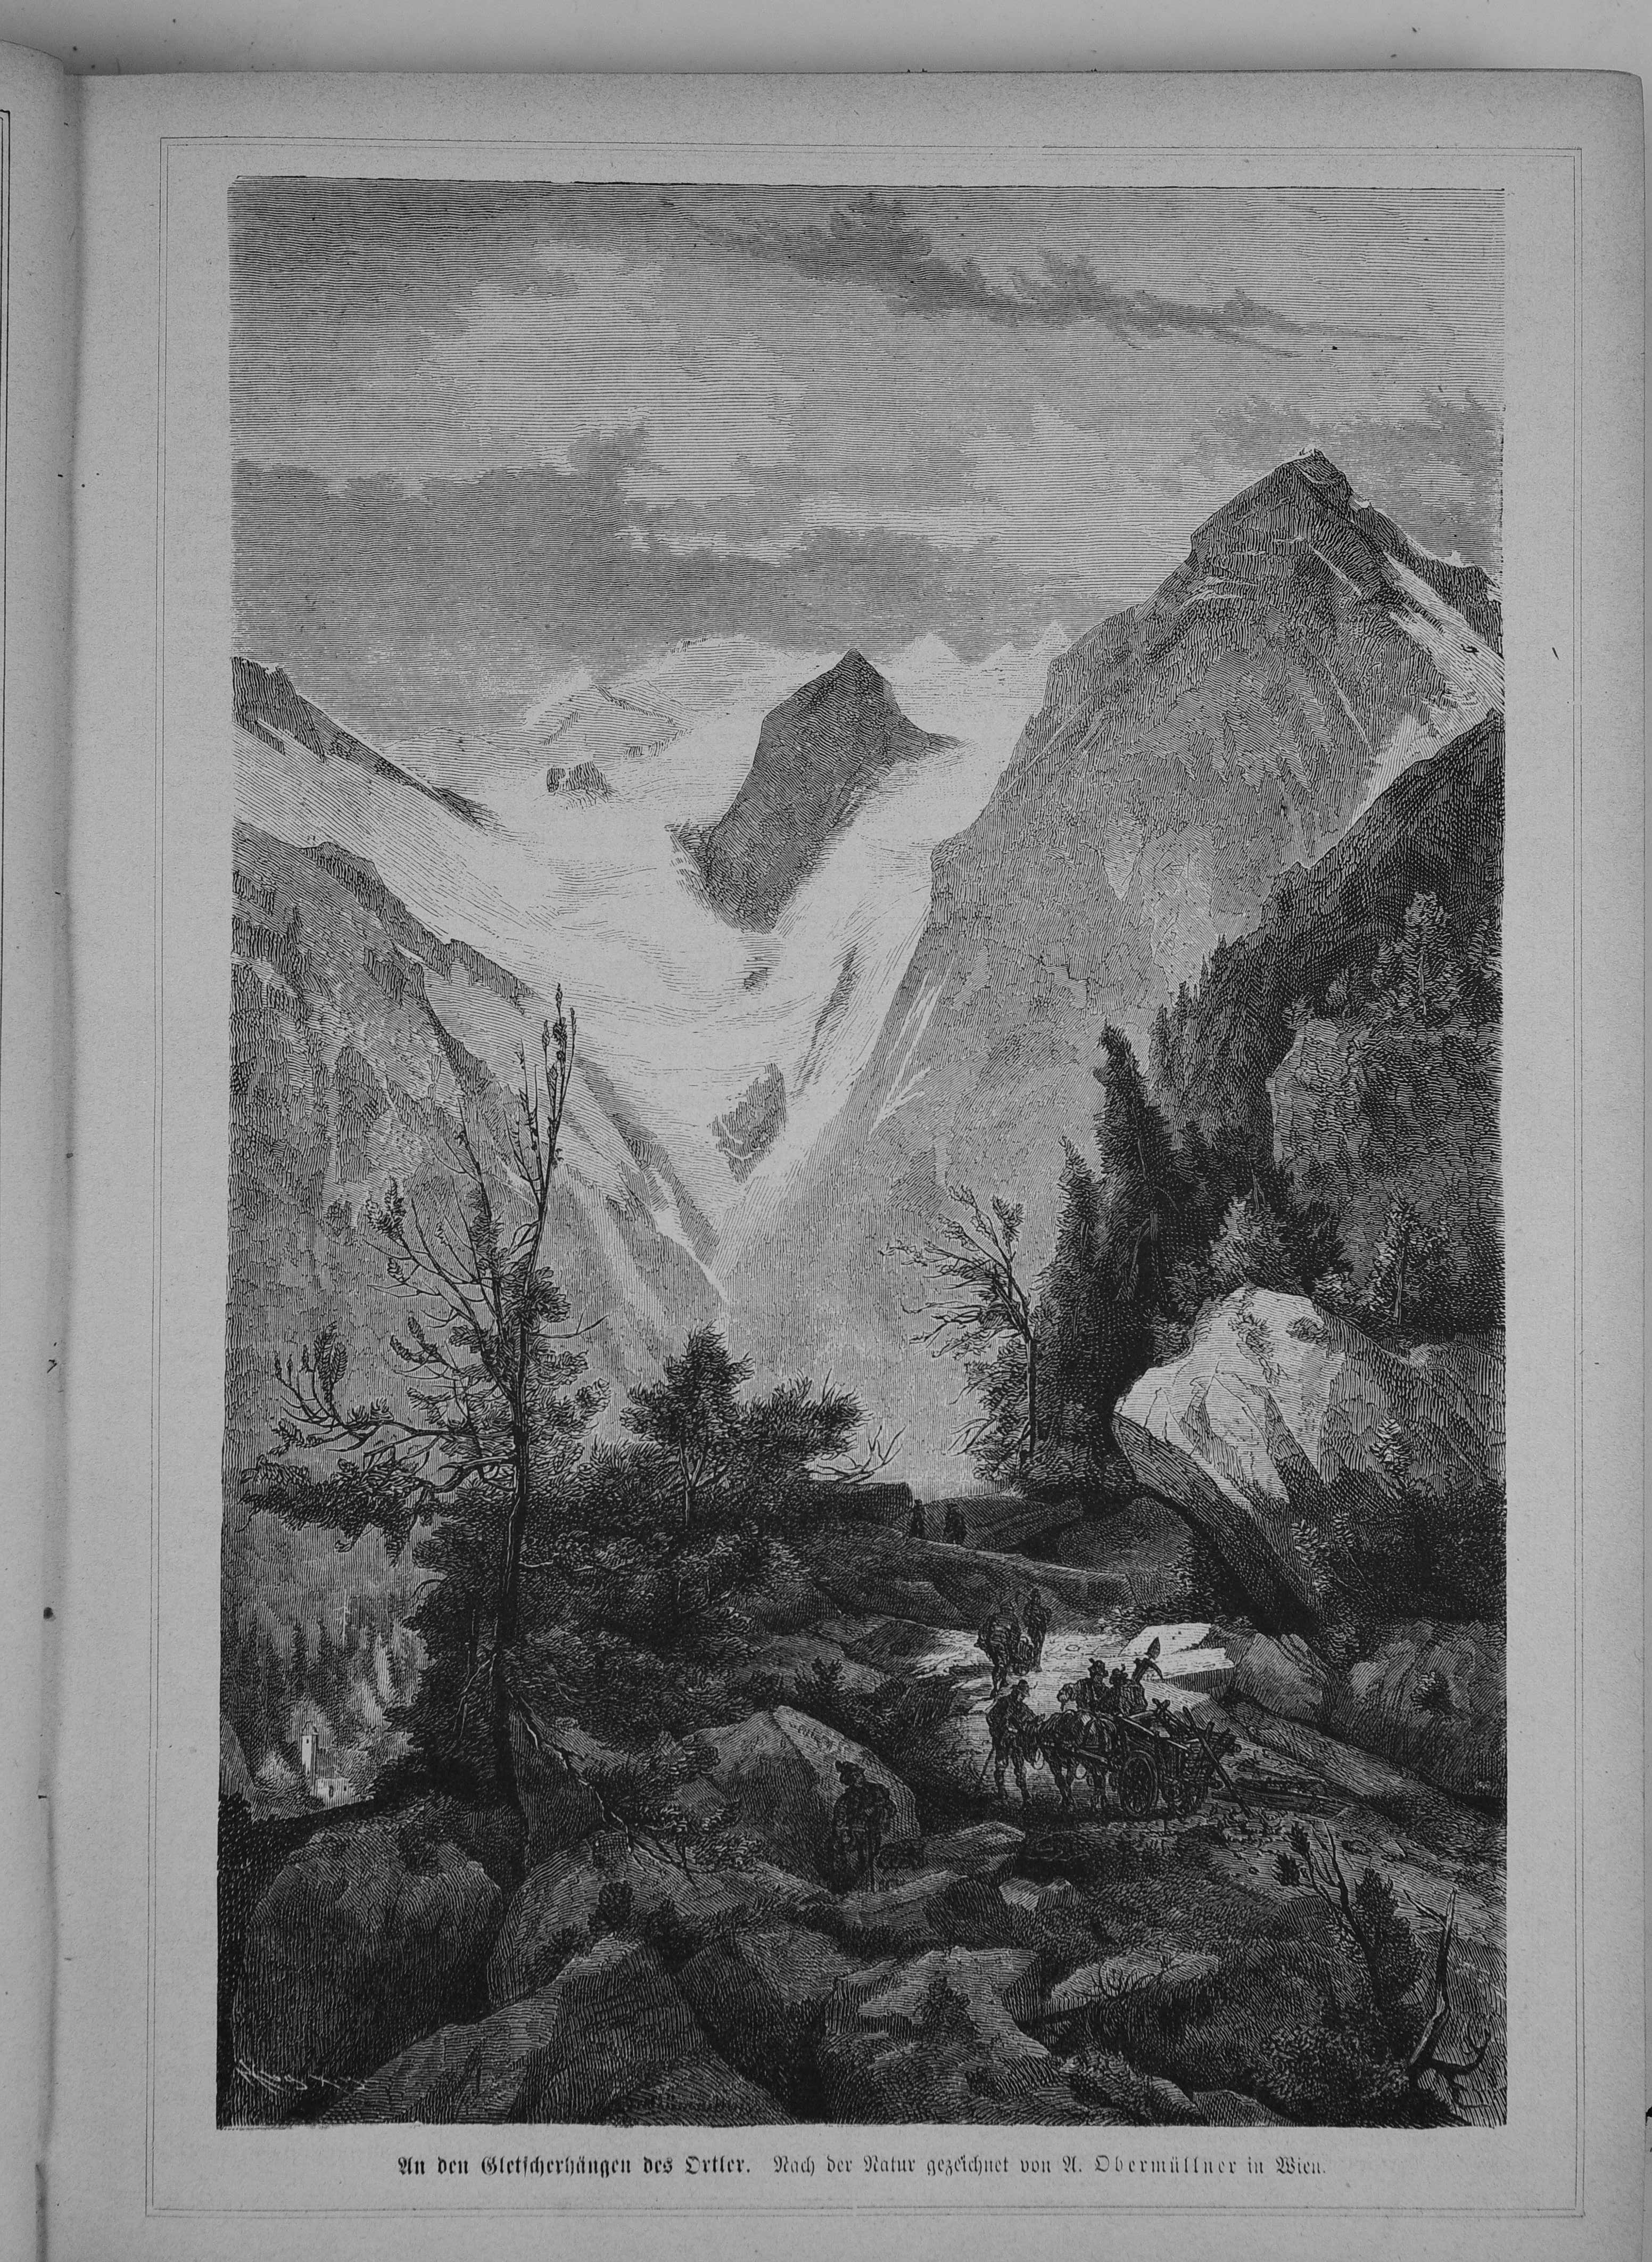An den Gletscherhängen des Ortler. Nach der Natur gezeichnet von A. Obermüllner in Wien.
